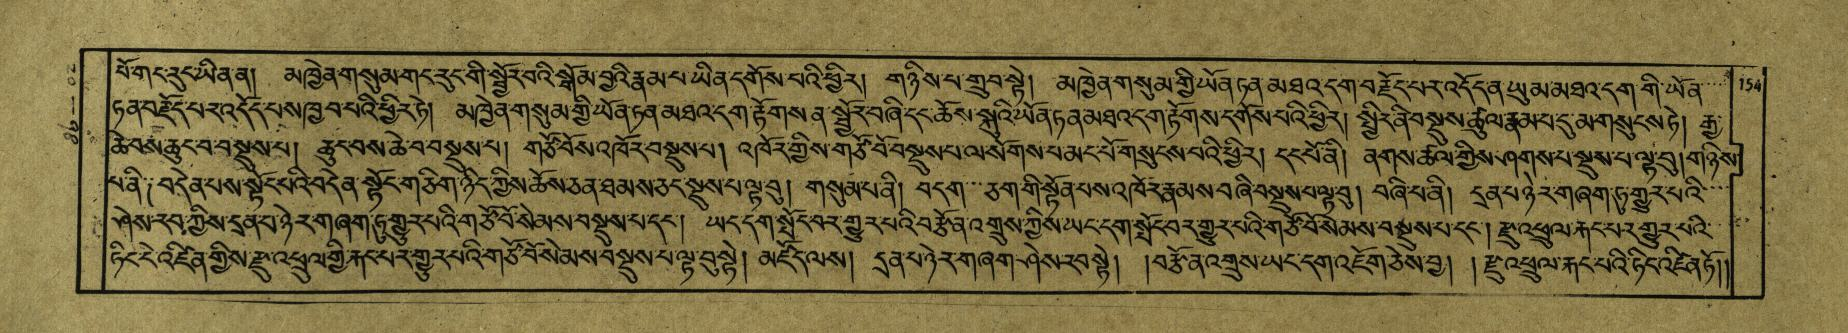པོ་གང་རུང་ཡིན་ན། མཁྱེན་གསུམ་གང་རུང་གི་སྦྱོར་བའི་སྒོམ་བྱའི་རྣམ་པ་ཡིན་དགོས་པའི་ཕྱིར། གཉིས་པ་གྲུབ་སྟེ། མཁྱེན་གསུམ་གྱི་ཡོན་ཏན་མཐའ་དག་བརྗོད་པར་འདོད་ན་ཡུམ་མཐའ་དག་གི་ཡོན་
ཏན་བརྗོད་པར་འདོད་པས་ཁྱབ་པའི་ཕྱིར་ཏེ། མཁྱེན་གསུམ་གྱི་ཡོན་ཏན་མཐའ་དག་རྟོགས་ན་སྦྱོར་བཞི་དང་ཆོས་སྐུའི་ཡོན་ཏན་མཐའ་དག་རྟོགས་དགོས་པའི་ཕྱིར། སྤྱིར་ནི་བསྡུས་ཚུལ་རྣམ་པ་དུ་མ་གསུངས་ཏེ། རྒྱ་
ཆེ་བས་ཆུང་བ་བསྡུས་པ། ཆུང་བས་ཆེ་བ་བསྡུས་པ། གཙོ་བོས་འཁོར་བསྡུས་པ། འཁོར་གྱིས་གཙོ་བོ་བསྡུས་པ་ལ་སོགས་པ་མང་པོ་གསུངས་པའི་ཕྱིར། དང་པོ་ནི། ནགས་ཚལ་གྱིས་ཤགས་པ་སྡུས་པ་ལྟ་བུ། གཉིས་
པ་ནི༑ བདེན་པས་སྟོང་པའི་བདེན་སྟོང་གཅིག་ཉིད་ཀྱིས་ཆོས་ཅན་ཐམས་ཅད་སྡུས་པ་ལྟ་བུ། གསུམ་པ་ནི། བདག་ཅག་གི་སྟོན་པས་འཁོར་རྣམས་བཞི་བསྡུས་པ་ལྟ་བུ། བཞི་པ་ནི། དྲན་པ་ཉེར་གཞག་ཏུ་གྱུར་པའི་
ཤེས་རབ་ཀྱིས་དྲན་པ་ཉེར་གཞག་ཏུ་གྱུར་པའི་གཙོ་བོ་སེམས་བསྡུས་པ་དང་། ཡང་དག་སྤོང་བར་གྱུར་པའི་བརྩོན་འགྲུས་ཀྱིས་ཡང་དག་སྤོང་བར་གྱུར་པའི་གཙོ་བོ་སེམས་བསྡུས་པ་དང་། རྫུ་འཕྲུལ་རྐང་པར་གྱུར་པའི་
ཏིང་ངེ་འཛིན་གྱིས་རྫུ་འཕྲུལ་གྱི་རྐང་པར་གྱུར་པའི་གཙོ་བོ་སེམས་བསྡུས་པ་ལྟ་བུ་སྟེ། མཛོད་ལས། དྲན་པ་ཉེར་གཞག་ཤེས་རབ་སྟེ། །བརྩོན་འགྲུས་ཡང་དག་འཇོག་ཅེས་བྱ། །རྫུ་འཕྲུལ་རྐང་པའི་ཏིང་འཛིན་ཏོ། །